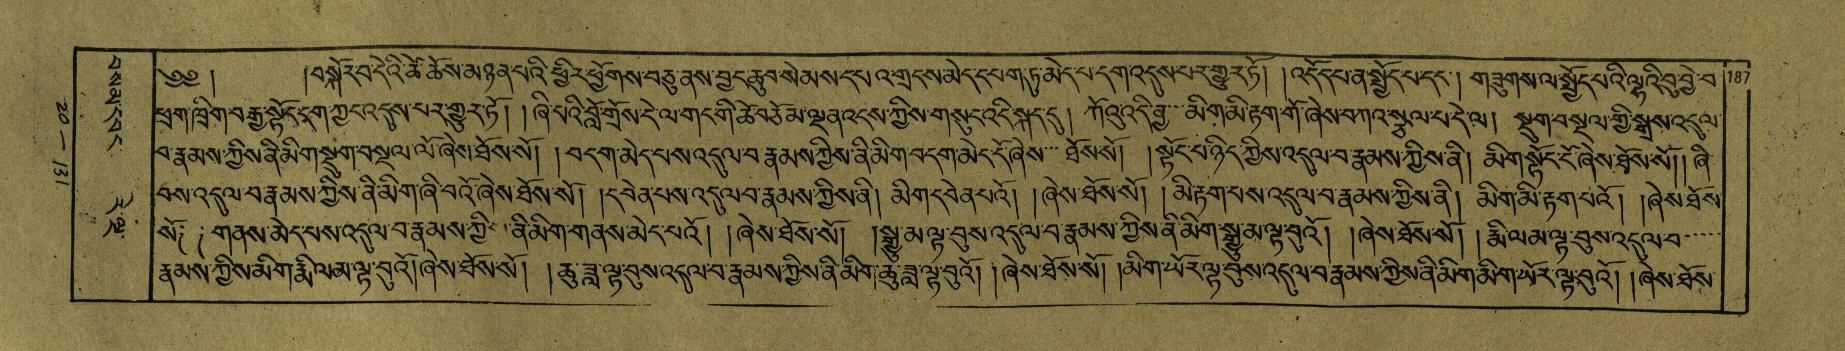༄༅། །བསྐོར་བ་དེའི་ཚེ་ཆོས་མཉན་པའི་ཕྱིར་ཕྱོགས་བཅུ་ནས་བྱང་ཆུབ་སེམས་དཔའ་གྲངས་མེད་དཔག་ཏུ་མེད་པ་དག་འདུས་པར་གྱུར་ཏོ། །འདོད་པ་ན་སྤྱོད་པ་དང་། གཟུགས་ལ་སྤྱོད་པའི་ལྷའི་བུ་བྱེ་བ་
ཕྲག་ཁྲིག་བརྒྱ་སྟོང་ངག་ཀྱང་འདུས་པར་གྱུར་ཏོ། །ཞི་པའི་བློ་གྲོས་དེ་ལ་གང་གི་ཚེ་བཅོམ་ལྡན་འདས་ཀྱིས་གསུང་འདི་སྐད་དུ། ཀོའུ་འདི་ནྱ་མིག་མི་རྟག་གོ་ཞེས་བཀའ་སྩལ་པ་དེ་ལ། སྡུག་བསྔལ་གྱི་སྒྲས་འདུལ་
བ་རྣམས་ཀྱིས་ནི་མིག་སྡུག་བསྔལ་ལོ་ཞེས་ཐོས་སོ། །བདག་མེད་པས་འདུལ་བ་རྣམས་ཀྱིས་ནི་མིག་བདག་མེད་དོ་ཞེས་ཐོས་སོ། །སྟོང་པ་ཉིད་ཀྱིས་འདུལ་བ་རྣམས་ཀྱིས་ནི། མིག་སྟོང་ངོ་ཞེས་ཐོས་སོ། །ཞི་
བས་འདུལ་བ་རྣམས་ཀྱིས་ནི་མིག་ཞི་བའོ་ཞེས་ཐོས་སོ། །དབེན་པས་འདུལ་བ་རྣམས་ཀྱིས་ནི། མིག་དབེན་པའོ། །ཞེས་ཐོས་སོ། །མི་རྟག་པས་འདུལ་བ་རྣམས་ཀྱིས་ནི། མིག་མི་རྟག་པའོ། །ཞེས་ཐོས་
སོ༑ ༑གནས་མེད་པས་འདུལ་བ་རྣམས་ཀྱིས་ནི་མིག་གནས་མེད་པའོ། །ཞེས་ཐོས་སོ། །སྒྱུ་མ་ལྟ་བུས་འདུལ་བ་རྣམས་ཀྱིས་ནི་མིག་སྒྱུ་མ་ལྟ་བུའོ། །ཞེས་ཐོས་སོ། །རྨི་ལམ་ལྟ་བུས་འདུལ་བ་
རྣམས་ཀྱིས་མིག་རྨིལམ་ལྟ་བུའོ། །ཞེས་ཐོས་སོ། །ཆུ་ཟླ་ལྟ་བུས་འདུལ་བ་རྣམས་ཀྱིས་ནི་མིག་ཆུ་ཟླ་ལྟ་བུའོ། །ཞེས་ཐོས་སོ། །མིག་ཡོར་ལྟ་བུས་འདུལ་བ་རྣམས་ཀྱིས་ནི་མིག་མིག་ཡོར་ལྟ་བུའོ། །ཞེས་ཐོས་